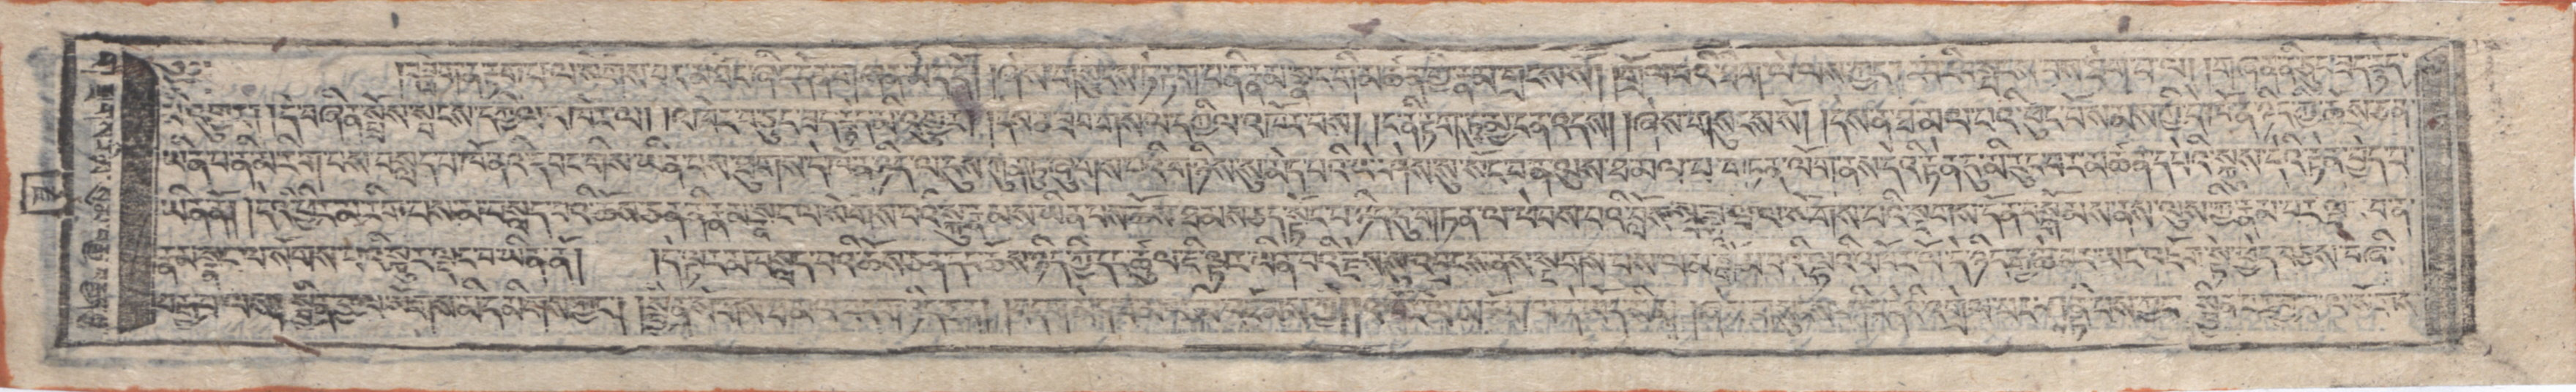༄༅། །བཟློག་ན་རྟག་པ་ལ་སོགས་པར་མཐོང་ཞིང་དོན་གཞན་མེད་དོ། །ཞེས་གསུངས་ཏེ་རྟག་པ་ནི་རྣམ་སྣང་གི་མཚན་གྱི་རྣམ་གྲངས་སོ། །གྲོལ་བའི་ཐིག་ལེ་ལས་ཀྱང་། རབ་རིབ་སྤངས་བས་ཐེག་པ་ལ། །གཞན་ནི་ཅུང་ཟད་རྙེད་
མི་འགྱུར། །དེ་བཞིན་སྤྲོས་སྤངས་དཀྱིལ་འཁོར་ལ། །འཁོར་བ་ཅུང་ཟད་རྙེད་མི་འགྱུར། །དེས་ན་ཟབ་གསལ་དཀྱིལ་འཁོར་བས། །ང་ནི་རྟག་ཏུ་མྱ་ངན་འདས། །ཞེས་གསུངས་སོ། །དེས་ན་ཐ་མལ་པའི་ཕུང་པོ་སམས་ཀྱི་དེ་ཁོ་ན་ཉིད་ཀྱི་ཆོས་ཅན་
ཡིན་པ་ནི་མ་རིག་པས་བསླད་པ་ཁོ་ནའི་དབང་གིས་ཡིན་པས་ཐུགས་དེ་ཁོ་ན་ཉིད་ལ་དུས་ཀུན་ཏུ་ཞུགས་པའི་གཉིས་སུ་མེད་པའི་ཡེ་ཤེས་སུ་སོང་བ་ན་ལུས་ཐ་མལ་པ་གཏན་ལོག་ནས་དེའི་རྟེན་དུ་མི་རུང་བར་མཚན་དཔེའི་སྐུས་དེའི་རྟེན་བྱེད་པ་
ཡིན་ནོ། །དེའི་ཕྱིར་མ་རིག་པས་མ་བསླད་པའི་ཆོས་ཅན་ནི་རྣམ་སྣང་ལ་སོགས་པའི་སྐུ་རྣམས་ཡིན་པས་ཆོས་ཐམས་ཅད་སྟོང་པ་ཉིད་དུ་གཏན་ལ་ཕེབས་པའི་བློས་སྭ་བྷཱ་ཝ་ལ་སོགས་པའི་སྔགས་དོན་བསྒོམས་ནས་ལུས་ཀྱི་རྣམ་པར་ལྡང་བ་ན་
རྣམ་སྣང་ལ་སོགས་པའི་སྐུར་ལྡང་བ་ཡིན་ནོ། །དེ་ལྟར་མ་བསླད་པའི་ཆོས་ཅན་དང་ཆོས་ཉིད་ཀྱི་དང་ཚུལ་ཇི་ལྟར་ཡིན་པའི་རྗེས་སུ་འབྲངས་ནས་སྔགས་པས་ལམ་སྒོམ་པའི་ལྷའི་འཁོར་ལོ་དེ་ཉིད་རྒྱ་ཆེ་བར་ཡང་འཇོག་སྟེ་ཕྱེད་བཅས་བཞི་
བརྒྱ་པ་ལས། སྦྱིན་བྱ་ལ་སོགས་མི་དམིགས་ཀྱང་། །སྦྱིན་སོགས་ཐ་མལ་བདག་ཉིད་ཅན། །བདག་མེད་ཐ་མལ་མི་འཇོམས་ཀྱི། །འཁོར་ལོ་མཆོག་ལ་དེ་ཡོད་མིན། །ཞེས་གསུངས་ཤིང་དེའི་འགྲེལ་པར་ཤཱནྟི་པས་ཀྱང་། སྦྱིན་པར་བྱ་བ་ལ་སོགས་